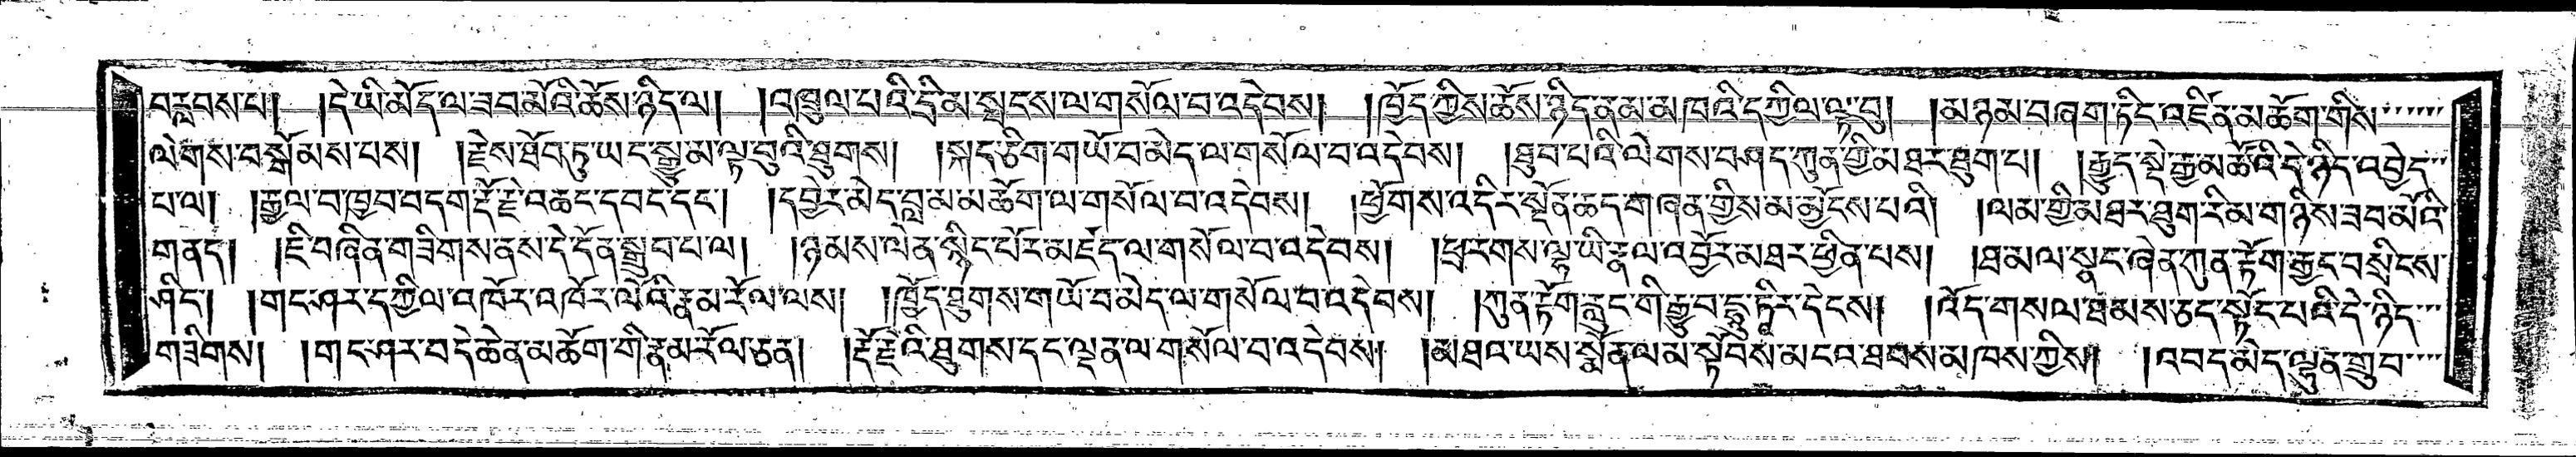བརླབས་པ། །དེ་ཡི་མདོ་ལ་ཟབ་མོའི་ཆོས་ཉིད་ལ། །འཁྲུལ་པའི་དྲི་མ་སྤངས་ལ་གསོལ་བ་འདེབས། །ཁྱོད་ཀྱིས་ཆོས་ཉིད་ནམ་མཁའི་དཀྱིལ་ལྟ་བུ། །མཉམ་བཞག་ཏིང་འཛིན་མཆོག་གིས་
ལེགས་བསྒོམས་པས། །རྗེས་ཐོབ་ཏུ་ཡང་སྒྱུ་མ་ལྟ་བུའི་ཐུགས། །སྐད་ཅིག་གཡོ་བ་མེད་ལ་གསོལ་བ་འདེབས། །ཐུབ་པའི་ལེགས་བཤད་ཀུན་གྱི་མཐར་ཐུག་པ། །རྒྱུད་སྡེ་རྒྱ་མཚོའི་དེ་ཉིད་འབྱེད་
པ་ལ། །རྒྱལ་བ་ཁྱབ་བདག་རྡོ་རྗེ་འཆང་དབང་དང་། །དབྱེར་མེད་བླ་མ་མཆོག་ལ་གསོལ་བ་འདེབས། །ཕྱོགས་འདིར་སྔོན་ཆད་གཞན་གྱིས་མ་མྱོངས་པའི། །ལམ་གྱི་མཐར་ཐུག་རིམ་གཉིས་ཟབ་མོའི་
གནད། །ཇི་བཞིན་གཟིགས་ནས་དེ་དོན་སྒྲུབ་པ་ལ། །ཉམས་ལེན་སྙིང་པོར་མཛད་ལ་གསོལ་བ་འདེབས། །ཕྲ་རགས་ལྷ་ཡི་རྣལ་འབྱོར་མཐར་ཕྱིན་པས། །ཐ་མལ་སྣང་ཞེན་ཀུན་རྟོག་རྒྱང་བསྲིངས་
ཤིང་། །གང་ཤར་དཀྱིལ་འཁོར་འཁོར་ལོའི་རྣམ་རོལ་ལས། །ཁྱོད་ཐུགས་གཡོ་བ་མེད་ལ་གསོལ་བ་འདེབས། །ཀུན་རྟོག་རླུང་གི་རྒྱུ་བ་དྷུ་ཏཱིར་དེངས། །འོད་གསལ་ཐམས་ཅད་སྟོང་པའི་དེ་ཉིད་
གཟིགས། །གང་ཤར་བདེ་ཆེན་མཆོག་གི་རྣམ་རོལ་ཅན། །རྡོ་རྗེའི་ཐུགས་དང་ལྡན་ལ་གསོལ་བ་འདེབས། །མཐའ་ཡས་སྨོན་ལམ་སྟོབས་མངའ་ཐབས་མཁས་ཀྱིས། །འབད་མེད་ལྷུན་གྲུབ་